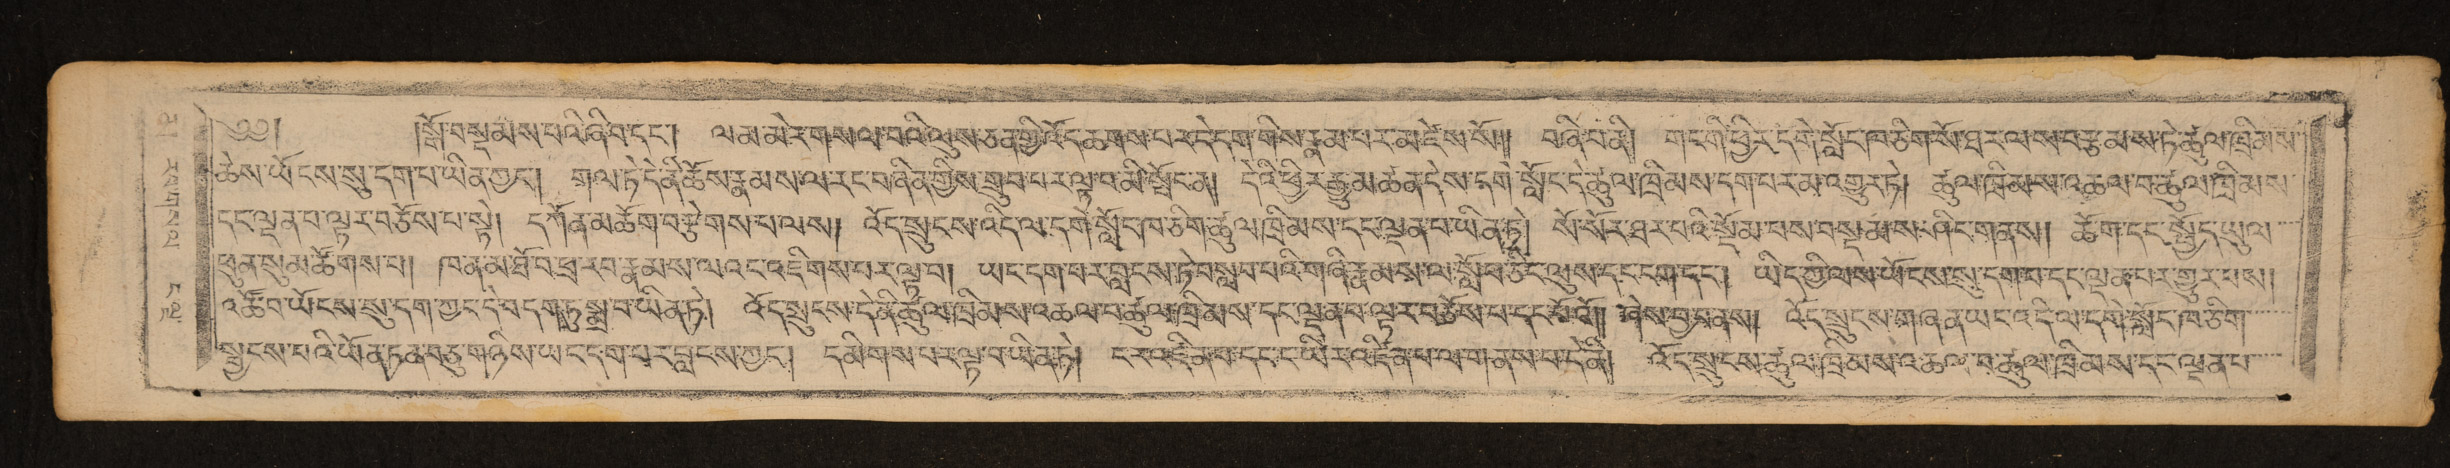༄༅། །སྒོ་བསྡམས་པའི་ཞི་བ་དང་། ལམ་མེར་གསལ་བའི་ལུས་ཅན་གྱི་འོད་ཆགས་པར་དེ་དག་གིས་རྣམ་པར་མཛེས་སོ།། བཞི་པ་ནི། གང་གི་ཕྱིར་དགེ་སློང་ཁ་ཅིག་སོ་ཐར་ལས་བརྩམས་ཏེ་ཚུལ་ཁྲིམས་
ཆེས་ཡོངས་སུ་དག་པ་ཡིན་ཀྱང་། གལ་ཏེ་དེ་ནི་ཆོས་རྣམས་ལ་རང་བཞིན་གྱིས་གྲུབ་པར་ལྟ་བ་མི་སྤོང་ན། དེའི་ཕྱིར་རྒྱུ་མཚན་དེས་དགེ་སློང་དེ་ཚུལ་ཁྲིམས་དག་པར་མི་འགྱུར་ཏེ། ཚུལ་ཁྲིམས་འཆལ་བ་ཚུལ་ཁྲིམས་
དང་ལྡན་པ་ལྟར་བཅོས་པ་སྟེ། དཀོན་མཆོག་བརྩེགས་པ་ལས། འོད་སྲུངས་འདི་ལ་དགེ་སློང་ཁ་ཅིག་ཚུལ་ཁྲིམས་དང་ལྡན་པ་ཡིན་ཏེ། སོ་སོར་ཐར་པའི་སྡོམ་པས་བསྡམས་ཤིང་གནས། ཆོ་ག་དང་སྤྱོད་ཡུལ་
ཕུན་སུམ་ཚོགས་པ། ཁ་ན་མ་ཐོ་བ་ཕྲ་རབ་རྣམས་ལའང་འཇིག་པར་ལྟ་བ། ཡང་དག་པར་བླངས་ཏེ་བསླབ་པའི་གཞི་རྣམས་ལ་སློབ་ཅིང་ལུས་དང་ངག་དང་། ཡིད་ཀྱི་ལས་ཡོངས་སུ་དག་པ་དང་ལྡན་པར་གྱུར་པས།
འཚོ་བ་ཡོངས་སུ་དག་ཀྱང་དེ་བདག་ཏུ་སྨྲ་བ་ཡིན་ཏེ། འོད་སྲུངས་དེ་ནི་ཚུལ་ཁྲིམས་འཆལ་བ་ཚུལ་ཁྲིམས་དང་ལྡན་པ་ལྟར་བཅོས་པ་དང་པོའོ།། ཞེས་བྱ་བ་ནས། འོད་སྲུངས་གཞན་ཡང་འདི་ལ་དགེ་སློང་ཁ་ཅིག་
སྦྱངས་པའི་ཡོན་ཏན་བཅུ་གཉིས་ཡང་དག་པར་བླངས་ཀྱང་། དམིགས་པར་ལྟ་བ་ཡིན་ཏེ་ངར་འཛིན་པ་དང་ང་ཡིར་འཛིན་པ་ལ་གནས་པ་དེ་ནི། འོད་སྲུངས་ཚུལ་ཁྲིམས་འཆལ་བ་ཚུལ་ཁྲིམས་དང་ལྡན་པ་